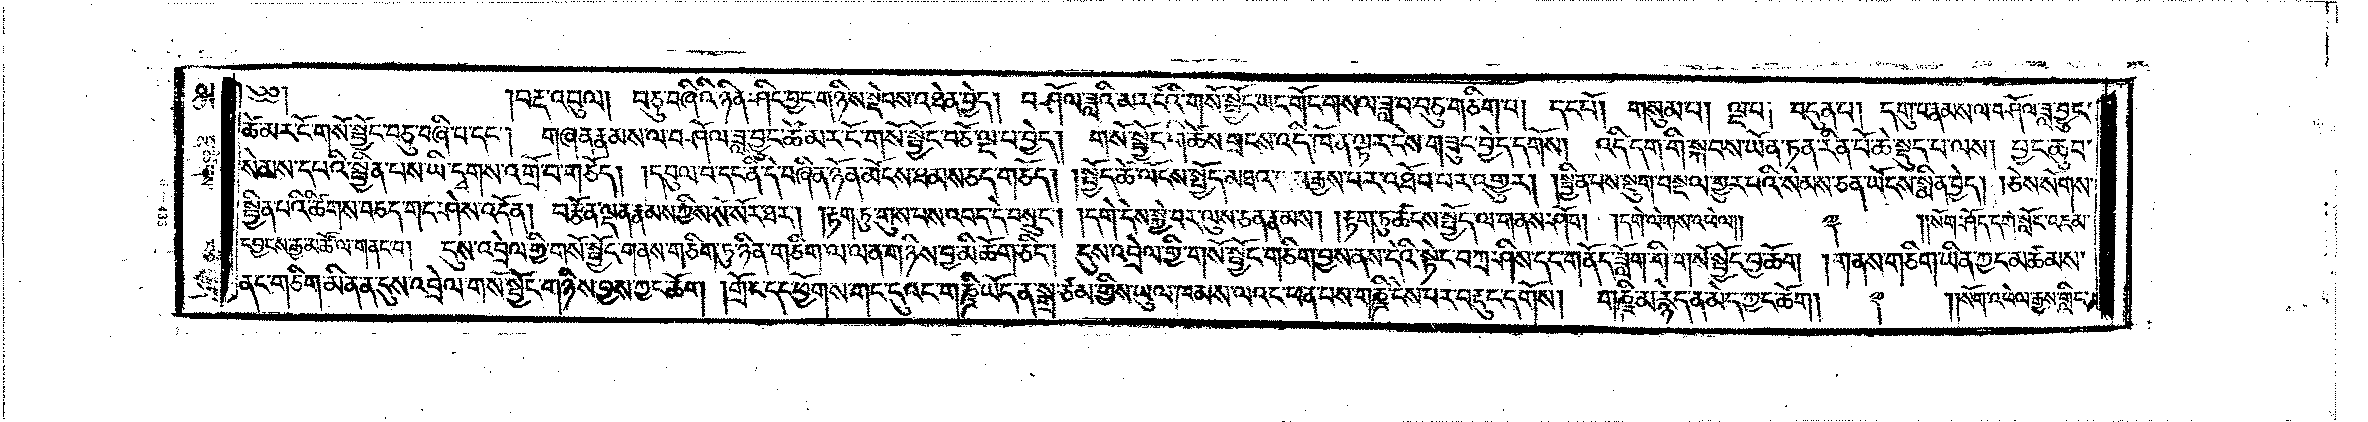༄༅། །བརྡ་འབུལ། བཅུ་བཞིའི་ཉིན་ཤིང་བྱང་གཉིས་སྡེབས་འཐེན་བྱེད། བཤོལ་ཟླའི་མར་ངོའི་གསོ་སྦྱོང་ཡང་གོང་གསལ་ཟླ་བ་བཅུ་གཅིག་པ། དང་པོ། གསུམ་པ། ལྔ་བ། བདུན་པ། དགུ་པ་རྣམས་ལ་བཤོལ་ཟླ་བྱུང་
ཚེ་མར་ངོ་གསོ་སྦྱོང་བཅུ་བཞི་པ་དང་། གཞན་རྣམས་ལ་བཤོལ་ཟླ་བྱུང་ཚེ་མར་ངོ་གསོ་སྦྱོང་བཅོ་ལྔ་པ་བྱེད། གསོ་སྦྱོང་གི་ཚེས་གྲངས་འདི་ཁོ་ན་ལྟར་ངེས་གཟུང་བྱེད་དགོས། འདི་དག་གི་སྐབས་ཡོན་ཏན་རིན་པོ་ཆེ་སྡུད་པ་ལས། བྱང་ཆུབ་
སེམས་དཔའི་སྦྱིན་པས་ཡི་དྭགས་འགྲོ་བ་གཅོད། །དབུལ་བ་དང་ནི་དེ་བཞིན་ཉོན་མོངས་ཐམས་ཅད་གཅོད། །སྤྱོད་ཚེ་ལོངས་སྤྱོད་མཐའ་ཡས་རྒྱས་པར་འཐོབ་པར་འགྱུར། །སྦྱིན་པས་སྡུག་བསྔལ་གྱུར་བའི་སེམས་ཅན་ཡོངས་སྨིན་བྱེད། །ཅེས་སོགས་
སྦྱིན་པའི་ཚིགས་བཅད་གང་ཤེས་འདོན། བརྩོན་ལྡན་རྣམས་ཀྱིས་སོ་སོར་ཐར། །རྟག་ཏུ་གུས་པས་འབད་དེ་བསྲུང་། །དགེ་དེས་སྐྱེ་བར་ལུས་ཅན་རྣམས། །རྟག་ཏུ་ཚངས་སྤྱོད་ལ་གནས་ཤོག །དགེ་ལེགས་འཕེལ།། ༈ །།སོག་ཤོད་དགེ་སློང་འཇམ་
དབྱངས་རྒྱ་མཚོ་ལ་གནང་བ། དུས་འབྲེལ་གྱི་གསོ་སྦྱོང་གནས་གཅིག་ཏུ་ཉིན་གཅིག་ལ་ལན་གཉིས་བྱ་མི་ཆོག་ཅིང་། དུས་འབྲེལ་གྱི་གསོ་སྦྱོང་གཅིག་བྱས་ནས་དེའི་སྟེང་བཀྲ་ཤིས་དང་གནོད་ཟློག་གི་གསོ་སྦྱོང་བྱ་ཆོག །གནས་གཅིག་ཡིན་ཀྱང་མཚམས་
ནང་གཅིག་མིན་ན་དུས་འབྲེལ་གསོ་སྦྱོང་གཉིས་བྱས་ཀྱང་ཆོག །གྲོང་དང་ཕྱོགས་གང་དུའང་གཎྜི་ཡོད་ན་སྒྲ་ཙམ་གྱིས་ཡུལ་ཁམས་ལའང་ཕན་པས་གཎྜི་ངེས་པར་བརྡུང་དགོས། གཎྜི་མ་རྙེད་ན་མེད་ཀྱང་ཆོག ། ༈ །།སོག་འཕེལ་རྒྱས་གླིང